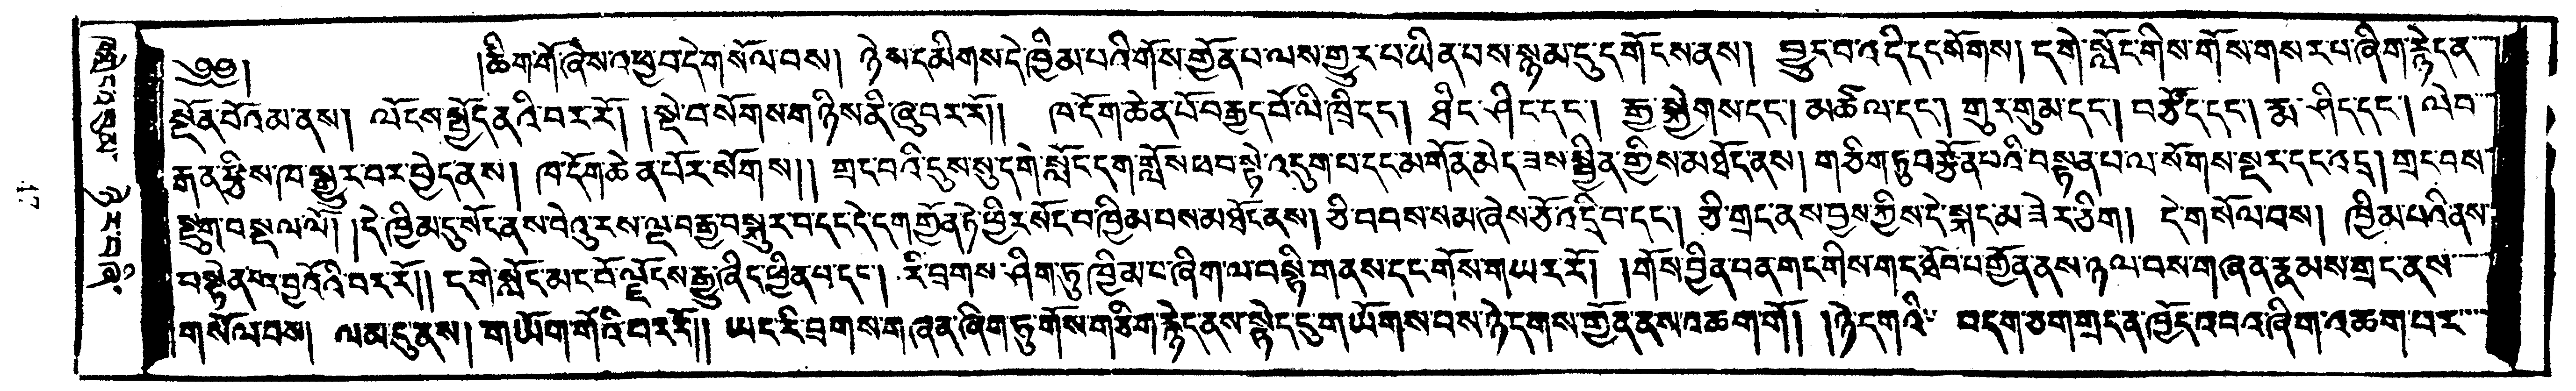༄༅། །ཚིག་གོ་ཞེས་འཕྱ་བ་དེ་གསོལ་བས། ཉེས་དམིགས་དེ་ཁྱིམ་པའི་གོས་གྱོན་པ་ལས་གྱུར་པ་ཡིན་པས་སྙམ་དུ་དགོངས་ནས། བྱུང་བ་འདི་དང་སོགས། དགེ་སློང་གིས་གོས་གསར་པ་ཞིག་རྙེད་ན་
སྔོན་བོའམ་ནས། ལོངས་སྤྱོད་ནའི་བར་རོ། །སྡེ་བ་སོགས་གཉིས་ནི་ཞུ་བར་རོ།། ཁ་དོག་ཆེན་པོ་བརྒྱད་པོ་ལི་ཁྲི་དང་། ཐིང་ཤིང་དང་། རྒྱ་སྐྱེགས་དང་། མཚལ་དང་། གུར་གུམ་དང་། བཙོད་དང་། རྨ་ཤིད་དང་། ལེབ་
རྒན་རྩིས་ཁ་སྒྱུར་བར་བྱེད་ནས། ཁ་དོག་ཆེན་པོར་སོགས། །གྲང་བའི་དུས་སུ་དགེ་སློང་དག་གློས་ཕབ་སྟེ་འདུག་པ་དང་མགོན་མེད་ཟས་སྦྱིན་གྱིས་མཐོང་ནས། གཅིག་ཏུ་བརྩོན་པའི་བསྟན་པ་ལ་སོགས་སྔར་དང་འདྲ། གྲང་བས་
སྡུག་བསྔལ་ལོ། །དེ་ཁྱིམ་དུ་སོང་ནས་བེའུ་རས་ལྔ་བརྒྱ་བསྐུར་བ་དང་དེ་དག་གྱོན་ཏེ་ཕྱིར་སོང་བ་ཁྱིམ་པས་མཐོང་ནས། ཅི་བབས་སམ་ཞེས་ཅོ་འདྲི་བ་དང་། ཅི་གྲང་ནས་བྱས་ཀྱིས་དེ་སྐད་མ་ཟེར་ཅིག། དེ་གསོལ་བས། ཁྱིམ་པའི་ནས་
བསྟེན་པར་བྱའོའི་བར་རོ། །དགེ་སློང་མང་བོ་ལྗོངས་རྒྱུ་ཞིང་ཕྱིན་པ་དང་། རི་བྲགས་ཤིག་ཏུ་ཁྱིམ་པ་ཞིག་ལ་བསྟི་གནས་དང་གོས་གཡར་རོ། །གོས་བྱིན་པ་ན་གང་གིས་གང་ཐོབ་པ་གྱོན་ནས་ཉལ་བས་གཞན་རྣམས་གྲང་ནས་
གསོལ་བས། ལམ་དུ་ནས། གཡོག་གོའི་བར་རོ།། ཡང་རི་བྲགས་གཞན་ཞིག་ཏུ་གོས་གཅིག་རྙེད་ནས་སྟེད་དུ་གཡོགས་པས་ཉེ་དགས་གྱོན་ནས་འཆག་གོ། །ཉེ་དགའི༑ བདག་ཅག་གྲང་ན་ཁྱོད་འབའ་ཞིག་འཆག་པར་